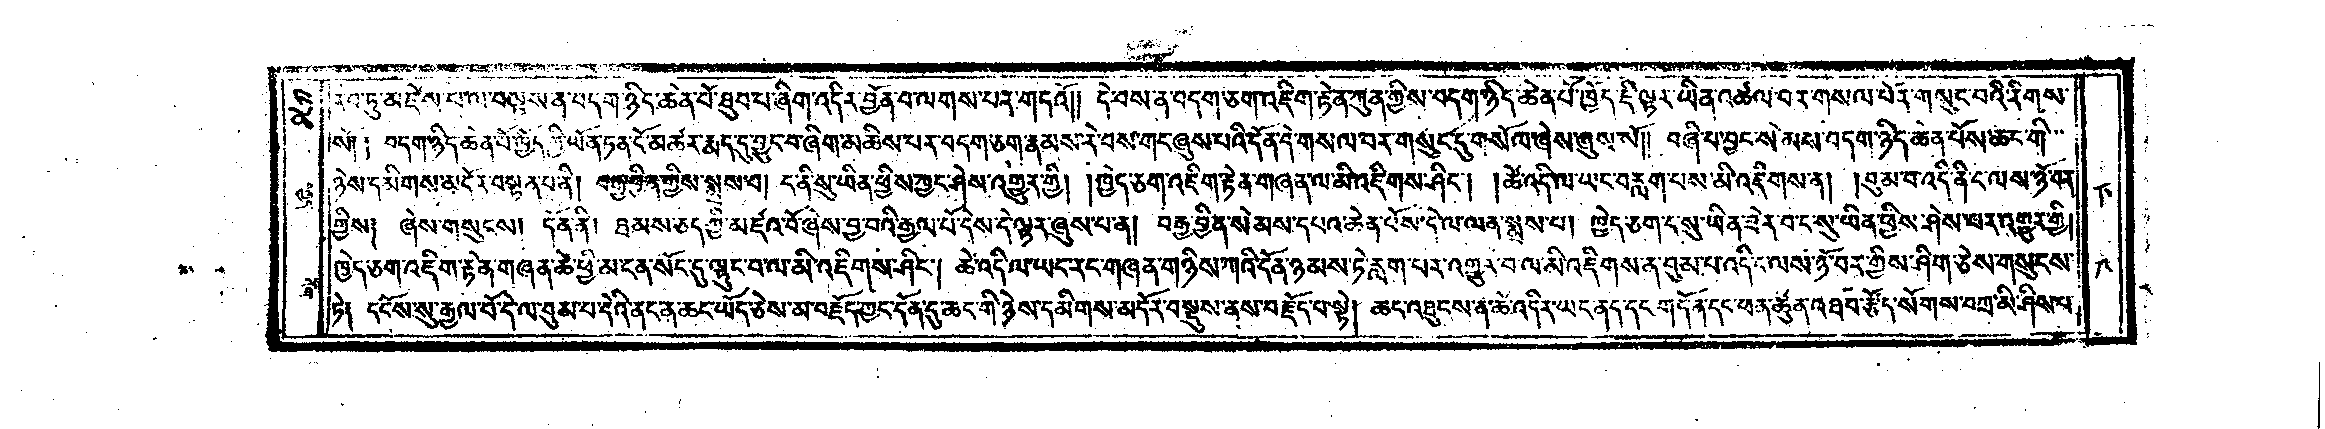རབ་ཏུ་མཛེས་པ་ལ་བལྟས་ན་བདག་ཉིད་ཆེན་པོ་ཐུབ་པ་ཞིག་འདིར་བྱོན་པ་ལགས་པར་གདའོ།། དེ་བས་ན་བདག་ཅག་འཇིག་རྟེན་ཀུན་གྱིས་བདག་ཉིད་ཆེན་པོ་ཁྱོད་ཇི་ལྟར་ཡིན་འཆལ་བར་གསལ་པོར་གསུང་བའི་རིགས་
སོ༑༑ བདག་ཉིད་ཆེན་པོ་ཁྱོད་ཀྱི་ཡོན་ཏན་ངོ་མཚར་རྨད་དུ་བྱུང་བ་ཞིག་མཆིས་པར་བདག་ཅག་རྣམས་རེ་བས་གང་ཞུས་པའི་དོན་དེ་གསལ་བར་གསུང་དུ་གསོལ་ཞེས་ཞུས་སོ།། བཞི་པ་བྱང་སེམས་བདག་ཉིད་ཆེན་པོས་ཆང་གི་
ཉེས་དམིགས་མདོར་བསྟན་པ་ནི། བརྒྱ་བྱིན་གྱིས་སྨྲས་པ། ང་ནི་སུ་ཡིན་ཕྱིས་ཀྱང་ཤེས་འགྱུར་གྱི། །ཁྱེད་ཅག་འཇིག་རྟེན་གཞན་ལ་མི་འཇིགས་ཤིང་། །ཚེ་འདི་ལ་ཡང་བརླག་པས་མི་འཇིགས་ན། །བུམ་པ་འདི་ནི་ང་ལས་ཉོ་བར་
གྱིས༑ ཞེས་གསུངས། དོན་ནི། ཐམས་ཅད་ཀྱི་མཛའ་བོ་ཞེས་བྱ་བའི་རྒྱལ་པོ་དེས་དེ་ལྟར་ཞུས་པ་ན། བརྒྱ་བྱིན་སེམས་དཔའ་ཆེན་པོས་དེ་ལ་ལན་སྨྲས་པ། ཁྱེད་ཅག་ང་སུ་ཡིན་ཟེར་བ་ང་སུ་ཡིན་ཕྱིས་ཤེས་པར་འགྱུར་གྱི།
ཁྱེད་ཅག་འཇིག་རྟེན་གཞན་ཚེ་ཕྱི་མ་ངན་སོང་དུ་ལྟུང་བ་ལ་མི་འཇིགས་ཤིང་། ཚེ་འདི་ལ་ཡང་རང་གཞན་གཉིས་ཀའི་དོན་ཉམས་ཏེ་རླག་པར་འགྱུར་བ་ལ་མི་འཇིགས་ན་བུམ་པ་འདི་ང་ལས་ཉོ་བར་གྱིས་ཤིག་ཅེས་གསུངས་
ཏེ༑ དངོས་སུ་རྒྱལ་པོ་དེ་ལ་བུམ་པ་དེའི་ནང་ན་ཆང་ཡོད་ཅེས་མ་བརྗོད་ཀྱང་དོན་དུ་ཆང་གི་ཉེས་དམིགས་མདོར་བསྡུས་ནས་བརྗོད་པ་སྟེ། ཆང་འཐུངས་ན་ཚེ་འདིར་ཡང་ནང་དང་གདོན་དང་ཕན་ཚུན་འཐབ་རྩོད་སོགས་བཀྲ་མི་ཤིས་པ་